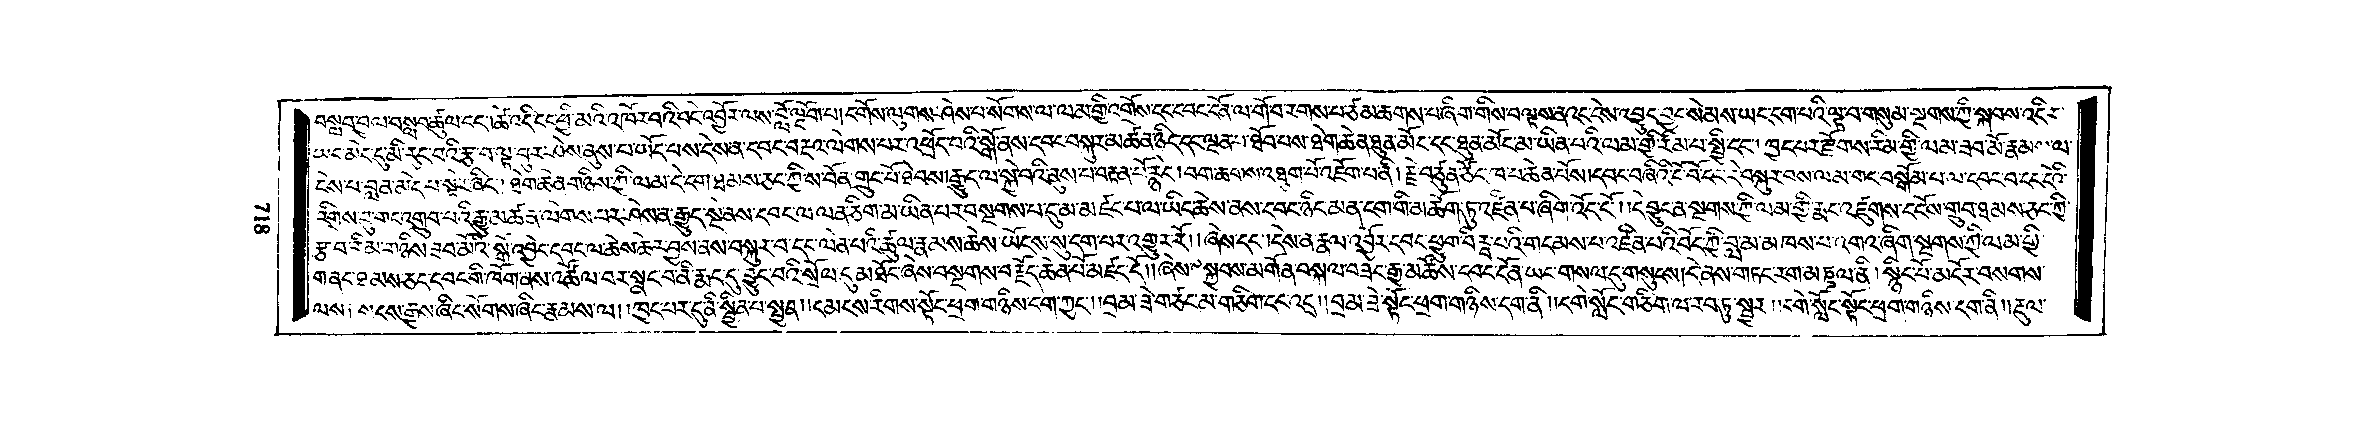བསླབ་བྱ་ལ་བསླབ་ཚུལ་དང་། ཚེ་འདི་དང་ཕྱི་མའི་འཁོར་བའི་བདེ་འབྱོར་ལས་བློ་ལྡོག་པ། དགོས་ལུགས་ཤེས་པ་སོགས་ལ་ལམ་གྱི་འགྲོས་དང་དབང་དོན་ལ་གོ་བ་རགས་པ་ཙམ་ཆགས་པ་ཞིག་གིས་བལྟས་ནའང་ངེས་འབྱུང་བྱང་སེམས་ཡང་དག་པའི་ལྟ་བ་གསུམ་སྔགས་ཀྱི་སྐབས་འདིར་
ཡང་མེད་དུ་མི་རུང་བའི་རྩ་བ་ལྟ་བུར་ཤེས་ནུས་པ་ཡོད་པས་དེས་ན་དབང་བརྡའ་ལེགས་པར་འཕྲོད་པའི་སྒོ་ནས་དབང་བསྐུར་མཚན་ཉིད་དང་ལྡན་པ་ཐོབ་པས་ཐེག་ཆེན་ཐུན་མོང་དང་ཐུན་མོང་མ་ཡིན་པའི་ལམ་གྱི་རིམ་པ་སྤྱི་དང་། ཁྱད་པར་རྫོགས་རིམ་གྱི་ལམ་ཟབ་མོ་རྣམས་ལ་
ངེས་པ་བླ་ན་མེད་པ་སྟེར་ཞིང་། ཐེག་ཆེན་གཉིས་ཀྱི་ལམ་དེ་དག་ཐམས་ཅད་ཀྱི་ས་བོན་གྲུང་པོ་ཐེབས། རྒྱུད་ལ་སྐྱེ་བའི་ནུས་པ་བརྟན་པོ་རྙེད། བག་ཆགས་འཐུག་པོ་འཇོག་པ་ནི། རྗེ་བཙུན་ཙོང་ཁ་པ་ཆེན་པོས། དབང་བཞིའི་ངོ་བོ་དང་དེ་བསྐུར་བས་ལམ་གང་བསྒོམ་པ་ལ་དབང་བ་དང་དེའི་
འགྲིས་བུ་གང་འགྲུབ་པའི་རྒྱུ་མཚན་ལེགས་པར་ཤེས་ན་རྒྱུད་སྡེ་ནས་དབང་ལ་ལན་ཅིག་མ་ཡིན་པར་བསྔགས་པ་དུ་མ་མཛད་པ་ལ་ཡིད་ཆེས་ནས་དབང་ཉིད་མན་ངག་གི་མཆོག་ཏུ་འཛིན་པ་ཞིག་འོད་ངོ། །དེ་བྱུང་ན་སྔགས་ཀྱི་ལམ་གྱི་རྨད་འཛུགས་དངོས་གྲུབ་ཐམས་ཅད་ཀྱི་
རྩ་བ་རིམ་གཉིས་ཟབ་མོའི་སྒོ་འབྱེད་དབང་ལ་ཆེས་ཆེར་བྱས་ནས་བསྐུར་བ་དང་ལེན་པའི་ཚུལ་རྣམས་ཆེས་ཡོངས་སུ་དག་པར་འགྱུར་རོ། །ཞེས་དང་། དེས་ན་རྣལ་འབྱོར་དབང་ཕྱུག་བིར་བ་པའི་གདམས་པ་འཛིན་པའི་བོད་ཀྱི་བླ་མ་མཁས་པ་འགའ་ཞིག་སྔགས་ཀྱི་ལམ་གྱི་
གནང་ཐམས་ཅད་དབང་གི་ཁོག་ནས་འཚོལ་བར་སྣང་བ་ནི་རྨད་དུ་བྱུང་བའི་སྲོལ་དུ་མཐོང་ཞེས་བསྔགས་བརྗོད་ཆེན་པོ་མཛད་དོ། །ཞེས ༧སྐྱབས་མགོན་བསྐལ་བཟང་རྒྱ་མཚོས་དབང་དོན་ཡང་གསལ་དུ་གསུངས། དེ་ནས་གཏང་རག་མཎྜལ་ནི། སྙིང་པོ་མདོར་བསགས་
ལས། སངས་རྒྱས་ཞིང་སོགས་ཞིང་རྣམས་ལ། །ཁྱད་པར་དུ་ནི་སྦྱིན་པ་སྤྱན། །དམངས་རིགས་སྟོང་ཕྲག་གཉིས་དག་ཀྱང་། །བྲམ་ཟེ་གཙང་མ་གཅིག་དང་འདྲ། །བྲམ་ཟེ་སྟོང་ཕྲག་གཉིས་དག་ནི། །དགེ་སློང་གཅིག་ལ་རབ་ཏུ་སྦྱར། །དགེ་སློང་སྟོང་ཕྲག་གཉིས་དག་ནི། །རྡུལ་